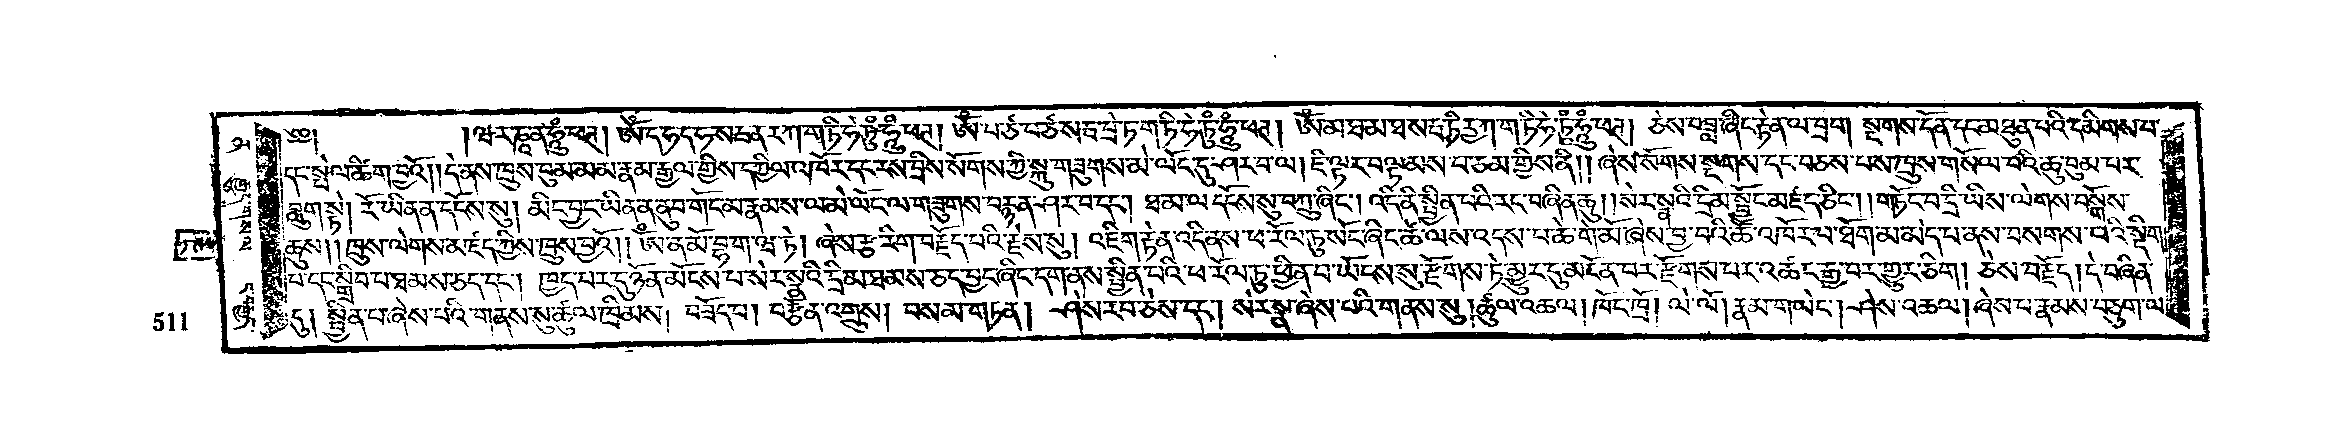༄༅། །ཝ་ར་ཎཱ་ན་ཧཱུཾ་ཕཊ། ཨོཾ་ད་ཧ་ད་ཧ་སརྦ་ན་ར་ཀ་ག་ཏི་ཧེ་ཏུཾ་ཧཱུཾ་ཕཊ། ཨོམ་པ་ཙ་པ་ཙ་སརྦ་པྲེ་ཏ་ག་ཏི་ཧེ་ཏུཾ་ཧཱུཾ་ཕཊ། ཨོཾ་མ་ཐ་མ་ཐ་སརྦ་ཏི་རྱ་ཀ་ག་ཏི་གེ་ཏུཾ་ཧཱུཾ་ཕཊ། ཅེས་བཟླ་ཞིང་རྟེན་ལ་བྲག །སྔགས་དོན་དང་མཐུན་པའི་དམིགས་པ་
དང་སྤེལ་ཚིག་བྱའོ། །དེ་ནས་ཁྲུས་བུམ་མམ་རྣམ་རྒྱལ་གྱིས་དཀྱིལ་འཁོར་དང་རས་བྲིས་སོགས་ཀྱི་སྐུ་གཟུགས་མེ་ལོང་དུ་ཤར་བ་ལ། ཇི་ལྟར་བལྟམས་པ་ཅམ་གྱིས་ནི། །ཞེས་སོགས་སྔགས་དང་བཅས་པས་ཁྲུས་གསོལ་བའི་ཆུ་བུམ་པར་
བླུག་སྟེ། རོ་ཡིན་ན་དངོས་སུ། མིང་བྱང་ཡིན་ན་ནུབ་གོང་མ་རྣམས་ལ་མེ་ལོང་ལ་གཟུགས་བརྙན་ཤར་བ་དང་། ཐ་མ་ལ་དངོས་སུ་བཀྲུ་ཞིང་། འདི་ནི་སྦྱིན་པའི་རང་བཞིན་ཆུ། །སེར་སྣའི་དྲི་མ་སྦྱོང་མཛད་ཅིང་། །གཏོང་བ་དྲི་ཡིས་ལེགས་བསྒོས་
ཆུས། །ཁྲུས་ལེགས་མཛད་ཀྱིས་ཁྲུས་བྱའོ། །ཨོཾ་ན་མོ་བྷ་ག་ཝ་ཏེ། ཞེས་རྩ་རིག་བརྗོད་པའི་རྗེས་སུ། འཇིག་རྟེན་འདི་ནས་ཕ་རོལ་ཏུ་སོང་ཞིང་ཚེ་ལས་འདས་པ་ཆེ་གེ་མོ་ཞེས་བྱ་བའི་ཚེ་འཁོར་བ་ཐོག་མ་མེད་པ་ནས་བསགས་པའི་སྡིག་
པ་དང་སྒྲིབ་པ་ཐམས་ཅད་དང་། ཁྱད་པར་དུ་ཉོན་མོངས་པ་སེར་སྣའི་དྲི་མ་ཐམས་ཅད་བྱང་ཞིང་དག་ནས་སྦྱིན་པའི་ཕ་རོལ་ཏུ་ཕྱིན་པ་ཡོངས་སུ་རྫོགས་ཏེ་མྱུར་དུ་མངོན་པར་རྫོགས་པར་འཚང་རྒྱ་བར་གྱུར་ཅིག །ཅེས་བརྗོད། དེ་བཞིན་
དུ། སྦྱིན་པ་ཞེས་པའི་གནས་སུ་ཚུལ་ཁྲིམས། བཟོད་པ། བརྩོན་འགྲུས། བསམ་གཏན། ཤེས་རབ་ཅེས་དང་། སེར་སྣ་ཞེས་པའི་གནས་སུ། ཚུལ་འཚལ། ཁོང་ཁྲོ། ལེ་ལོ། རྣམ་གཡེང་། ཤེས་འཆལ། ཞེས་པ་རྣམས་བཅུག་ལ་